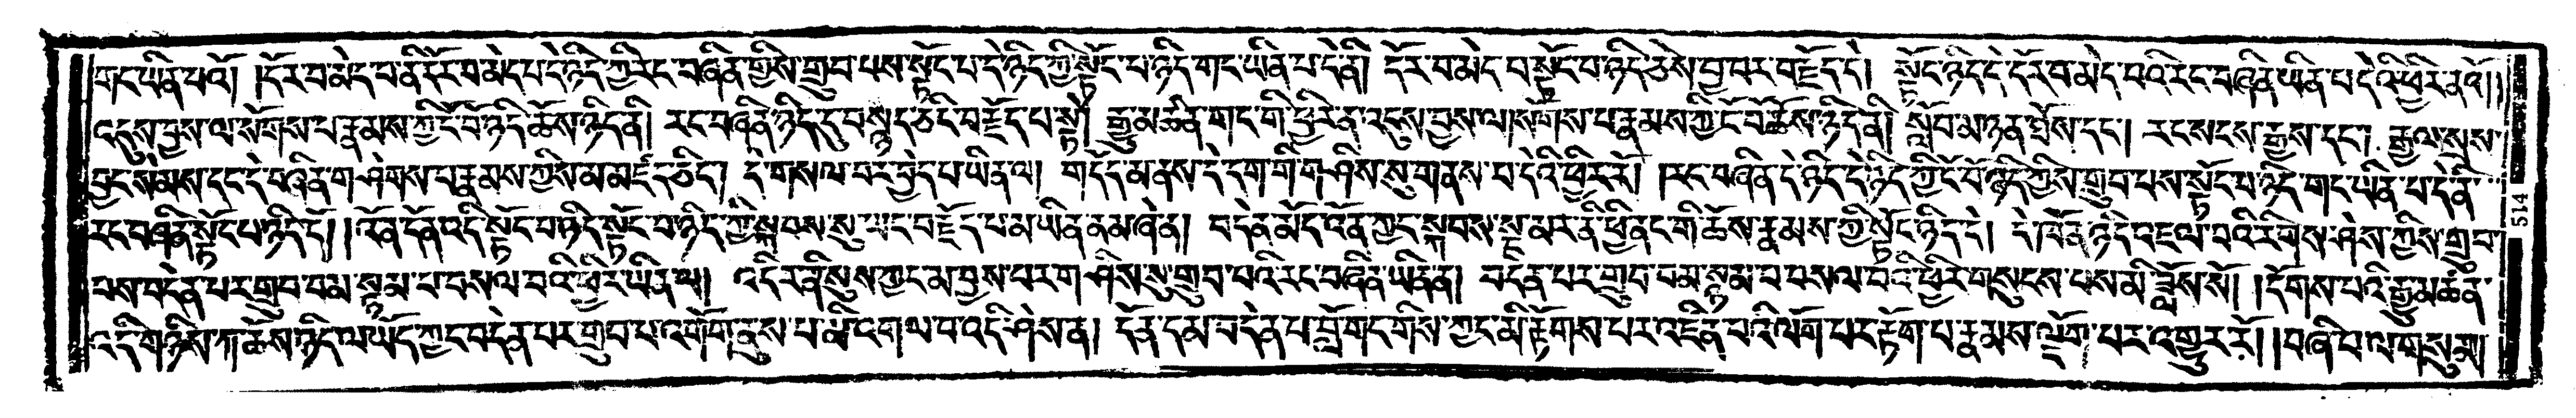གང་ཡིན་པའོ། །དོར་བ་མེད་པ་ནི་དོར་བ་མེད་པ་དེ་ཉིད་ཀྱི་རང་བཞིན་གྱིས་གྲུབ་པས་སྟོང་པ་དེ་ཉིད་ཀྱི་སྟོང་པ་ཉིད་གང་ཡིན་པ་དེ་ནི། དོར་བ་མེད་པ་སྟོང་པ་ཉིད་ཅེས་བྱ་བར་བརྗོད་དེ། སྟོང་ཉིད་དེ་དོར་བ་མེད་པའི་རང་བཞིན་ཡིན་པ་དེའི་ཕྱིར་ནའོ།།
འདུས་བྱས་ལ་སོགས་པ་རྣམས་ཀྱི་ངོ་བོ་ཆོས་ཉིད་ནི། རང་བཞིན་ཉིད་དུ་བསྙད་ཅིང་བརྗོད་པ་སྟེ། རྒྱུ་མཚན་གང་གི་ཕྱིར་ན་འདུས་བྱས་ལ། སོགས་པ་རྣམས་ཀྱི་ངོ་བོ་ཆོས་ཉིད་ནི། སློབ་མ་ཉན་ཐོས་དང་། རང་སངས་རྒྱས་དང་། རྒྱལ་སྲས་
བྱང་སེམས་དང་དེ་བཞིན་གཤེགས་པ་རྣམས་ཀྱིས་མ་མཛད་ཅིང་། དེ་གསལ་བར་བྱེད་པ་ཡིན་ལ། གདོད་མ་ནས་དེ་དག་གི་གཤིས་སུ་གནས་པ་དེའི་ཕྱིར་རོ། །རང་བཞིན་དེ་ཉིད་དེ་ཉིད་ཀྱི་ངོ་བོ་ཉིད་ཀྱིས་གྲུབ་པས་སྟོང་པ་ཉིད་གང་ཡིན་པ་དེ་ནི་
རང་བཞིན་སྟོང་པ་ཉིད་དོ། །འོ་ན་དོན་འདི་སྟོང་པ་ཉིད་སྟོང་པ་ཉིད་ཀྱི་སྐབས་སུ་ཡང་བརྗོད་པ་མ་ཡིན་ནམ་ཞེ་ན། བདེན་མོད་འོན་ཀྱང་སྐབས་སྔ་མར་ནི་ཕྱི་ནང་གི་ཆོས་རྣམས་ཀྱི་སྟོང་ཉིད་དེ། དེ་ཁོ་ན་ཉིད་འཇལ་བའི་རིགས་ཤེས་ཀྱིས་གྲུབ་
པས་བདེན་པར་གྲུབ་བམ་སྙམ་པ་བསལ་བའི་ཕྱིར་ཡིན་ལ། འདིར་ནི་སུས་ཀྱང་མ་བྱས་པར་གཤིས་སུ་གྲུབ་པའི་རང་བཞིན་ཡིན་ན། བདེན་པར་གྲུབ་བམ་སྙམ་པ་བསལ་བའི་ཕྱིར་གསུངས་པས་མི་ཟློས་སོ། །དོགས་པའི་རྒྱུ་མཚན་
འདི་གཉིས་ཀ་ཆོས་ཉིད་ལ་ཡོད་ཀྱང་བདེན་པར་གྲུབ་པ་འགོག་ནུས་པ་མི་འགལ་བ་འདི་ཤེས་ན། དོན་དམ་བདེན་པ་བློ་གང་གིས་ཀྱང་མི་རྟོགས་པར་འཛིན་པའི་ལོག་པར་རྟོག་པ་རྣམས་ལྡོག་པར་འགྱུར་རོ། །བཞི་པ་ལ་གསུམ།